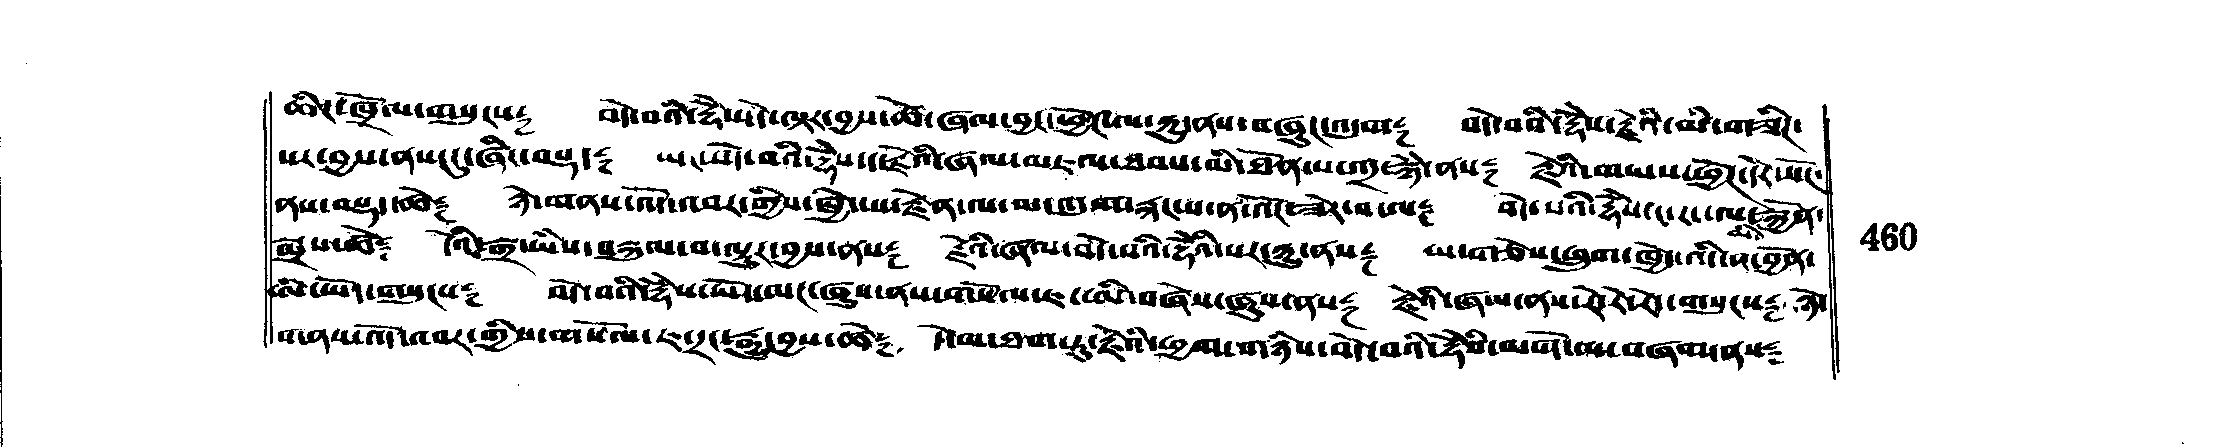ཆིང་ཁྲོལ་གསུངས། བདེ་བའི་རྡོ་རྗེས་དེ་ལྟར་བྱས་ཚེ་ཞལ་བྱང་ཕྱོགས་ལ་ཀྱུ་ནས་བཞུགས་འདུག བདེ་བའི་རྡོ་རྗེས་རྗེའི་མི་གཟིགས་
པར་བྱས་ནས་ངུ་ཞིང་བསྡད། ཡང་བདེ་བའི་རྡོ་རྗེས་ད་རྗེའི་ཞལ་མཇལ་ཐབས་མི་ཐོན་པ་འདྲ་སྙམ་ནས། རྗེའི་གཡས་ཕྱོགས་དེར་སོང་
ནས་བསྡད་ཚེ། ཉེ་གནས་འོད་འབར་གྱིས་ཁྱེད་ས་རྗེན་ལ་མ་འདུག་རྐང་པ་ན་འོང་ཟེར་བ་ལ། བདེ་བའི་རྡོ་རྗེས་ང་རང་ལ་མི་སྐྱོན་
སྨྲས་ཚེ། དེའི་སྒྲ་ཡིས་བསྐུལ་བ་ལྟ་བུར་བྱས་ནས། རྗེའི་ཞལ་བདེ་བའི་རྡོ་རྗེའི་སར་ཀྱུ་ནས། ཡ་གཅེས་ཕྲུག་ཁྱེད་འདི་ན་བྱོན་
ཨི་ཡོད་གསུངས། བདེ་བའི་རྡོ་རྗེས་ཡོད་ལགས་ཞུས་ནས་གསོལ་ཇ་ཨི་བཞེས་ཞུས་ནས། རྗེའི་ཞལ་ནས་རེད་རེད་རེད་གསུངས། ཉེ་
གནས་འོད་འབར་གྱིས་གསོལ་ཇ་དྲང་རྒྱུ་བྱས་ཚེ། དེ་མ་ཐག་ཏུ་རྗེའི་ཕྱག་གཉིས་བདེ་བའི་རྡོ་རྗེའི་མགོ་ལ་བཞག་ནས་